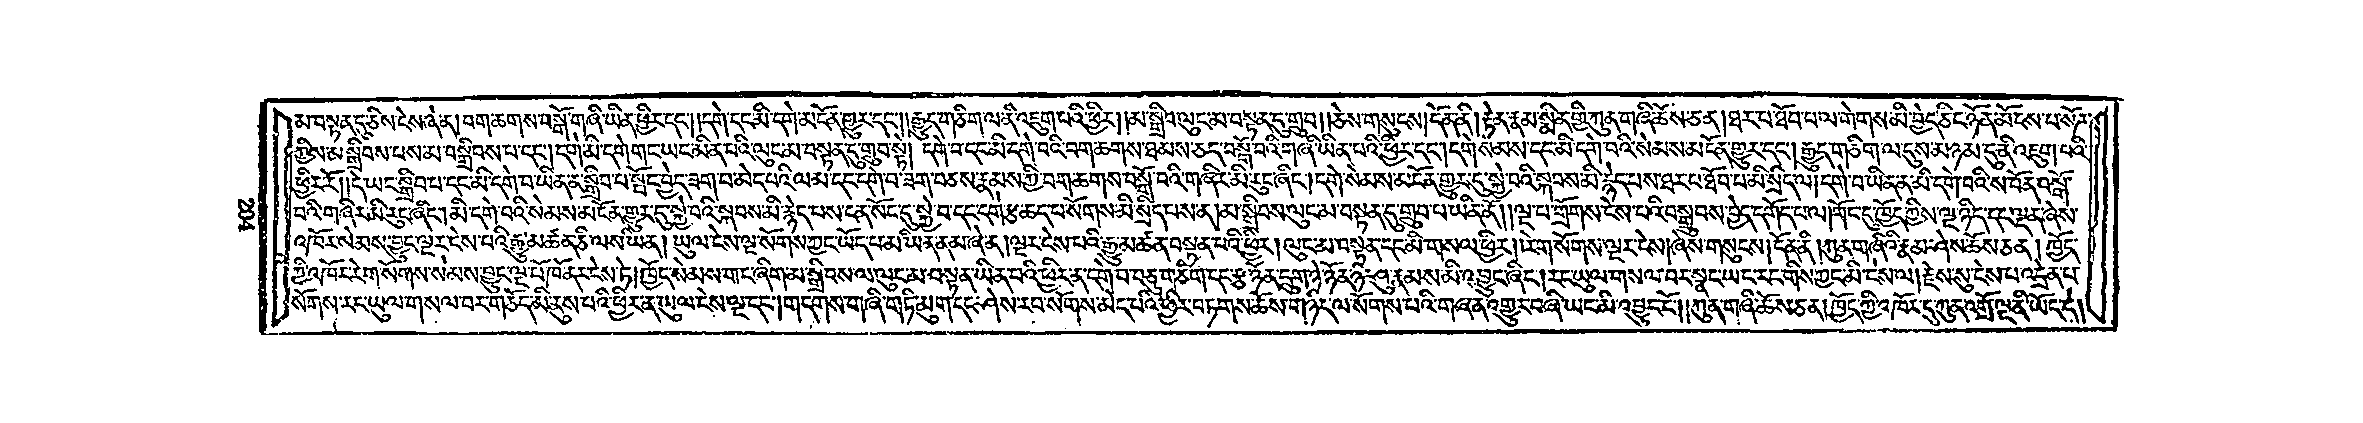མ་བསྟན་དུ་ཅིས་ངེས་ཞེ་ན། བག་ཆགས་བསྒོ་གཞི་ཡིན་ཕྱིར་དང་། དགེ་དང་མི་དགེ་མངོན་གྱུར་དང་། །རྒྱུད་གཅིག་ལ་ནི་འཇུག་པའི་ཕྱིར། །མ་སྒྲིབ་ལུང་མ་བསྟན་དུ་གྲུབ། །ཅེས་གསུངས། དོན་ནི། རྟེན་རྣམས་སྨིན་གྱི་ཀུན་གཞི་ཆོས་ཅན། ཐར་པ་ཐོབ་པ་ལ་གེགས་མི་བྱེད་ཅིང་ཉོན་མོངས་པ་སོགས་
ཀྱིས་མ་སྒྲིབས་པས་མ་བསྒྲིབས་པ་དང་། དགེ་མི་དགེ་གང་ཡང་མིན་པའི་ལུང་མ་བསྟན་དུ་གྲུབ་སྟེ། དགེ་བ་དང་མི་དགེ་བའི་བག་ཆགས་ཐམས་ཅད་བསྒོ་བའི་གཞི་ཡིན་པའི་ཕྱིར་དང་། དགེ་སེམས་དང་མི་དགེ་བའི་སེམས་མངོན་གྱུར་དང་། རྒྱུད་གཅིག་ལ་དུས་མཉམ་དུ་ནི་འཇུག་པའི་
ཕྱིར་རོ། །དེ་ཡང་སྒྲིབ་པ་དང་མི་དགེ་བ་ཡིན་ན་སྒྲིབ་པ་སྤོང་བྱེད་ཟག་པ་མེད་པའི་ལམ་དང་དགེ་བ་ཟག་བཅས་རྣམས་ཀྱི་བག་ཆགས་བསྒོ་བའི་གཞིར་མི་རུང་ཞིང་། དགེ་སེམས་མངོན་གྱུར་དུ་སྐྱེ་བའི་སྐབས་མི་རྙེད་པས་ཐར་པ་ཐོབ་པ་མི་སྲིད་ལ། དགེ་བ་ཡིན་ན་མི་དགེ་བའི་ས་བོན་བསྒོ་
བའི་གཞིར་མི་རུང་ཞིང་། མི་དགེ་བའི་སེམས་མངོན་གྱུར་དུ་སྐྱེ་བའི་སྐབས་མི་རྙེད་པས་ངན་སོང་དུ་སྐྱེ་བ་དང་དགེ་རྩ་ཆད་པ་སོགས་མི་སྲིད་པས་ན། མ་སྒྲིབས་ལུང་མ་བསྟན་དུ་གྲུབ་པ་ཡིན་ནོ། །ལྔ་པ་གྲོགས་ངེས་པའི་བསྒྲུབས་བྱེད་དགོད་པ་ལ། གོང་དུ་ཁྱོད་ཀྱིས་ལྔ་ཉིད་དང་ལྡན་ཞེས་
འཁོར་སེམས་བྱུང་ལྔར་ངེས་པའི་རྒྱུ་མཚན་ཅི་ལས་ཡིན། ཡུལ་ངེས་ལྔ་སོགས་ཀྱང་ཡོད་པ་མ་ཡིན་ནམ་ཞེ་ན། ལྔར་ངེས་པའི་རྒྱུ་མཚན་བསྟན་པའི་ཕྱིར། ལུང་མ་བསྟན་དང་མི་གསལ་ཕྱིར། །རེག་སོགས་ལྔར་ངེས། ཞེས་གསུངས། དོན་ནི། ཀུན་གཞིའི་རྣམ་ཤེས་ཆོས་ཅན། ཁྱོད་
ཀྱི་འཁོར་རེག་སོགས་སེམས་བྱུང་ལྔ་པོ་ཁོ་ནར་ངེས་ཏེ། ཁྱོད་སེམས་གང་ཞིག་མ་སྒྲིབས་ལ་ལུང་མ་བསྟན་ཡིན་པའི་ཕྱིར་ན་དགེ་བ་བཅུ་གཅིག་དང་རྩ་ཉོན་དྲུག་ཉེ་ཉོན་ཉི་ཤུ་རྣམས་མི་འབྱུང་ཞིང་། རང་ཡུལ་གསལ་བར་སྣང་ཡང་རང་གིས་ཀྱང་མི་ངེས་ལ། རྗེས་སུ་ངེས་པ་འདྲེན་པ་
སོགས་རང་ཡུལ་གསལ་བར་གཅོད་མི་ནུས་པའི་ཕྱིར་ན་ཡུལ་ངེས་ལྔ་དང་། གདགས་གཞི་གཏི་མུག་དང་ཤེས་རབ་སོགས་མེད་པའི་ཕྱིར་བཏགས་ཆོས་གཉིད་ལ་སོགས་པའི་གཞན་འགྱུར་བཞི་ཡང་མི་འབྱུང་ངོ། །ཀུན་གཞི་ཆོས་ཅན། ཁྱོད་ཀྱི་འཁོར་དུ་ཀུན་འགྲོ་ལྔ་ནི་ཡོད་དེ།